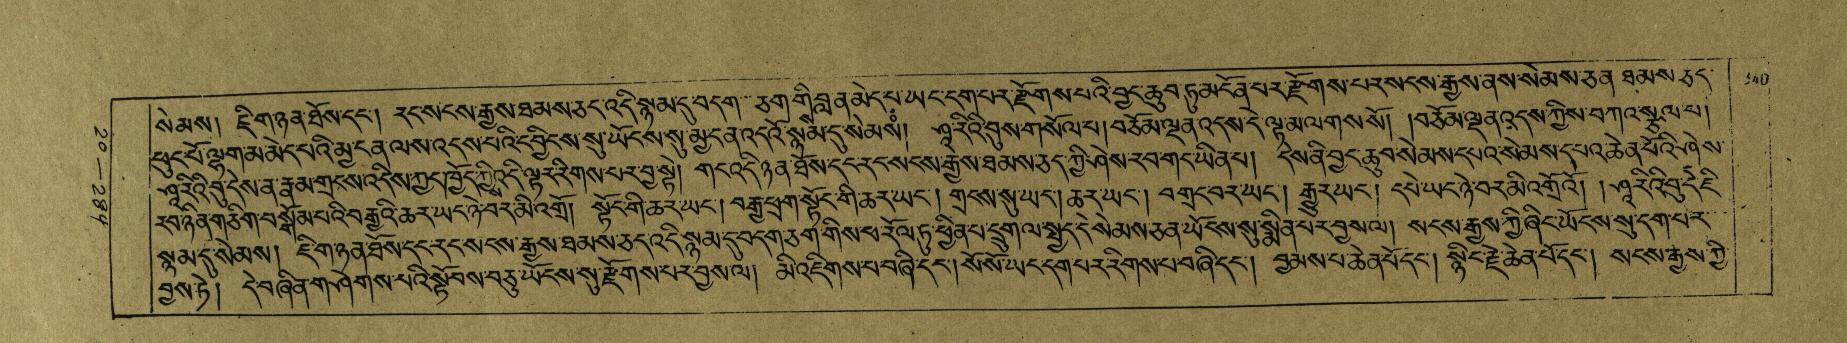སེམས། ཇིག་ཉན་ཐོས་དང་། རང་སངས་རྒྱས་ཐམས་ཅད་འདི་སྙམ་དུ་བདག་ཅག་གི་བླ་ན་མེད་པ་ཡང་དག་པར་རྫོགས་པའི་བྱང་ཆུབ་ཏུ་མངོན་པར་རྫོགས་པར་སངས་རྒྱས་ནས་སེམས་ཅན་ཐམས་ཅད་
ཕུང་པོ་ལྷག་མ་མེད་པའི་མྱ་ངན་ལས་འདས་པའི་དབྱིངས་སུ་ཡོངས་སུ་མྱ་ངན་འདའོ་སྙམ་དུ་སེམྶཾ། ཤཱ་རིའི་བུས་གསོལ་པ། བཅོམ་ལྡན་འདས་དེ་ལྟ་མ་ལགས་སོ། །བཅོམ་ལྡན་འདས་ཀྱིས་བཀའ་སྩལ་པ།
ཤཱ་རིའི་བུ་དེས་ན་རྣམ་གྲངས་འདིས་ཀྱང་ཁྱོད་ཀྱིས་འདི་ལྟར་རིགས་པར་བྱ་སྟེ། གང་འདི་ཉན་ཐོས་དང་རང་སངས་རྒྱས་ཐམས་ཅད་ཀྱི་ཤེས་རབ་གང་ཡིན་པ། དེས་ནི་བྱང་ཆུབ་སེམས་དཔའ་སེམས་དཔའ་ཆེན་པོའི་ཤེས་
རབ་ཉིན་གཅིག་བསྒོམ་པའི་བརྒྱའི་ཆར་ཡང་ཉེ་བར་མི་འགྲོ། སྟོང་གི་ཆར་ཡང་། བརྒྱ་ཕྲག་སྟོང་གི་ཆར་ཡང་། གྲངས་སུ་ཡང་། ཆར་ཡང་། བགྲང་བར་ཡང་། རྒྱུར་ཡང་། དཔེ་ཡང་ཉེ་བར་མི་འགྲོའོ། །ཤཱ་རིའི་བུ་དེ་ཇི་
སྙམ་དུ་སེམས། ཇི་ག་ཉན་ཐོས་དང་རང་སངས་རྒྱས་ཐམས་ཅད་འདི་སྙམ་དུ་བདག་ཅག་གིས་ཕ་རོལ་ཏུ་ཕྱིན་པ་དྲུག་ལ་སྤྱད་དེ་སེམས་ཅན་ཡོངས་སུ་སྨིན་པར་བྱས་ལ། སངས་རྒྱས་ཀྱི་ཞིང་ཡོངས་སུ་དག་པར་
བྱས་ཏེ། དེ་བཞིན་གཤེགས་པའི་སྟོབས་བཅུ་ཡོངས་སུ་རྫོགས་པར་བྱས་ལ། མི་འཇིགས་པ་བཞི་དང་། སོ་སོ་ཡང་དག་པར་རིགས་པ་བཞི་དང་། བྱམས་པ་ཆེན་པོ་དང་། སྙིང་རྗེ་ཆེན་པོ་དང་། སངས་རྒྱས་ཀྱི་